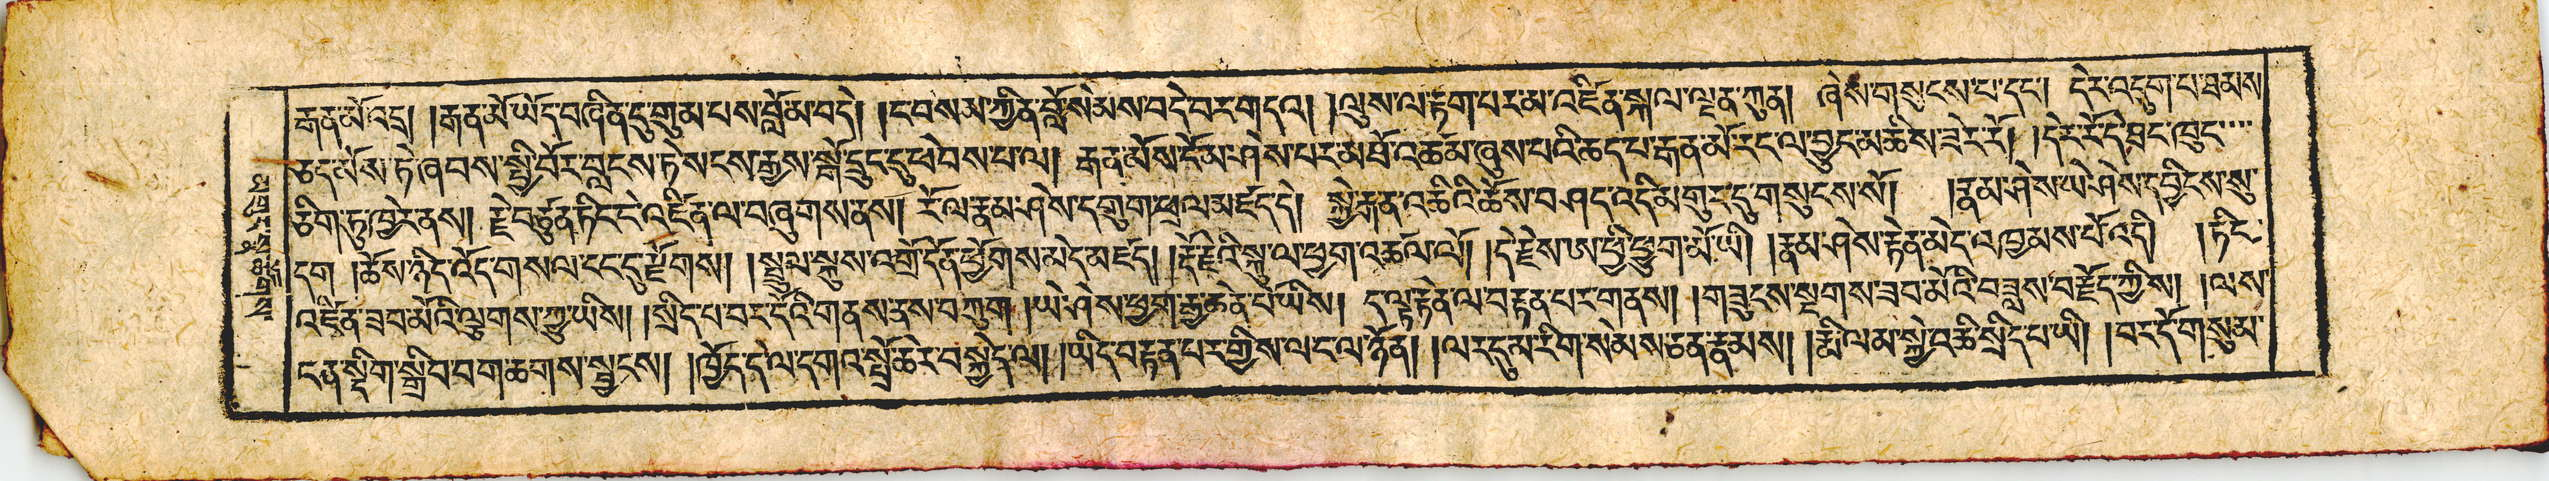རྒན་མོ་འདྲ། །རྒན་མོ་ཡོད་བཞིན་དུ་གུམ་པས་བློ་མ་བདེ། །ང་བསམ་ཀྱིན་བློ་སེམས་བདེ་བར་གདའ། །ལུས་ལ་རྟག་པར་མ་འཛིན་སྐལ་ལྡན་ཀུན། ཞེས་གསུངས་པ་དང་། དེར་འདུག་པ་ཐམས་
ཅད་མོས་ཏེ་ཞབས་སྤྱི་བོར་བླངས་ཏེ་སངས་རྒྱས་སྒོ་དྲུང་དུ་ཕེབས་པ་ལ། རྒན་མོས་ངོ་མ་ཤེས་པར་མཐོ་འཚམ་ཞུས་པའི་ཆད་པ་རྒན་མོ་རང་ལ་བྱུང་མཆིས་ཟེར་རོ། །དེར་ངོ་དེ་ཐང་ཁུང་
ཅིག་ཏུ་ཁྱེར་ནས། རྗེ་བཙུན་ཏིང་ངེ་འཛིན་ལ་བཞུགས་ནས། རོ་ལ་རྣམ་ཤེས་དགུག་ཕྲལ་མཛད་དེ། སྐྱེ་རྒ་ན་འཆིའི་ཆོས་བཤད་འདི་མགུར་དུ་གསུངས་སོ། །རྣམ་ཤེས་ཡེ་ཤེས་དབྱིངས་སུ་
དག །ཆོས་ཉིད་འོད་གསལ་ངང་དུ་རྫོགས། །སྤྲུལ་སྐུས་འགྲོ་དོན་ཕྱོགས་མེད་མཛད། །རྡོ་རྗེའི་སྐུ་ལ་ཕྱག་འཆལ་ལོ། །དེ་རྗེས་ཨ་ཕྱི་ཕྱུག་མོ་ཡི། །རྣམ་ཤེས་རྟེན་མེད་འཁྱམས་པོ་འདི །ཏིང་
འཛིན་ཟབ་མོའི་ལྕགས་ཀྱུ་ཡིས། །སྲིད་པ་བར་དོའི་གནས་ནས་བཀུག །ཡེ་ཤེས་ཕྱག་རྒྱ་ཆེན་པོ་ཡིས། ད་ལྟ་རྟེན་ལ་བརྟན་པར་གནས། །གཟུངས་སྔགས་ཟབ་མོའི་བཟླས་བརྗོད་ཀྱིས། །ལས་
ངན་སྡིག་སྒྲིབ་བག་ཆགས་སྦྱངས། །ཁྱོད་དེ་ལ་དགའ་སྤྲོ་ཆེར་བསྐྱེད་ལ། །ཡིད་བརྟན་པར་གྱིས་ལ་ང་ལ་ཉོན། །ལར་དུ་མ་རིག་སེམས་ཅན་རྣམས། །རྨི་ལམ་སྐྱེ་འཆི་སྲིད་པ་ཡི། །བར་དོ་གསུམ་